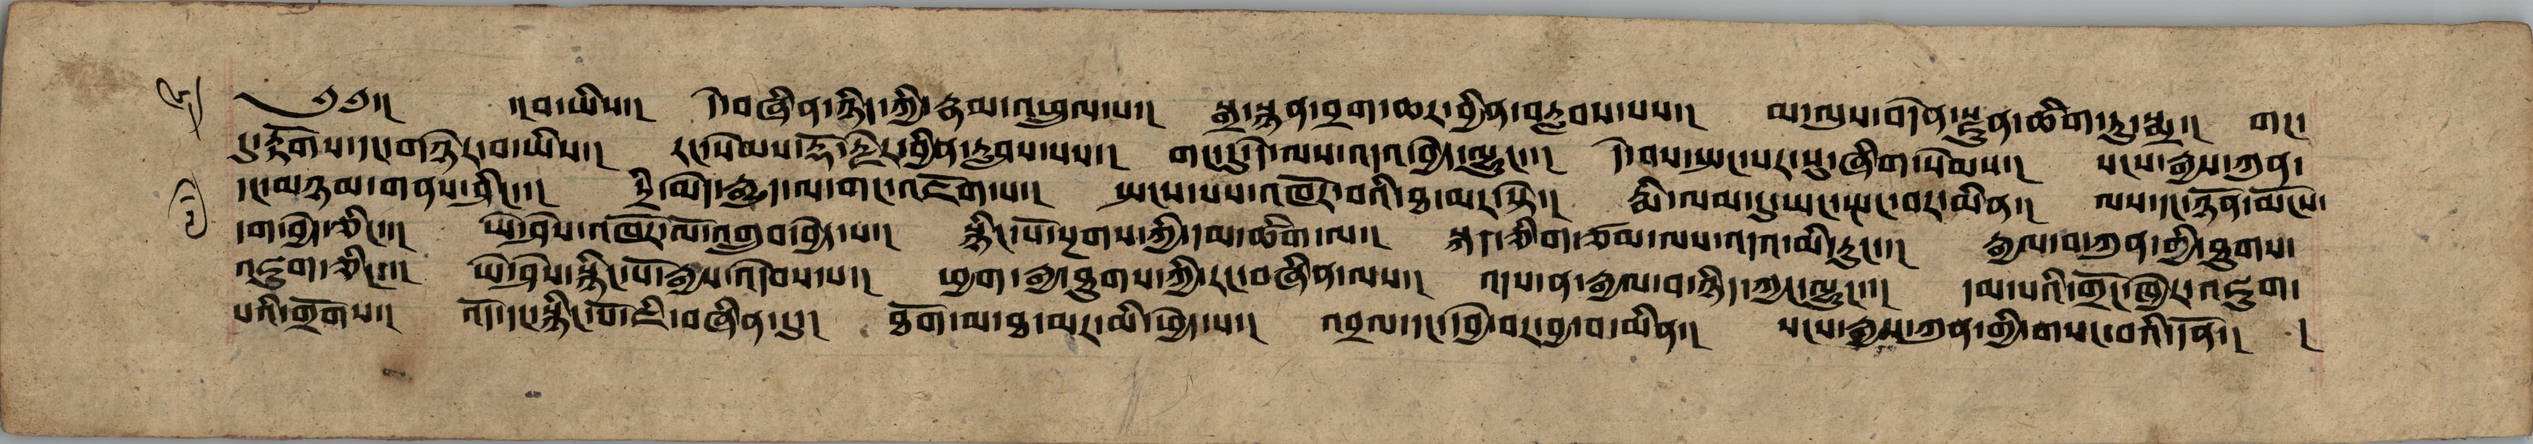༄༅་། ་།བ་ཡིས་། དེ་བཞིན་ཉིད་ཀྱི་རྣམ་འཕྲུལ་པ་། སྒྲ་སྙན་བྲག་ཆར་བྱིན་བརླབས་པས་། མ་ལུས་བདེན་སྫུན་ཚིག་ཏུ་སྨྲ་། གང་
དུ་རྟོགས་དང་གཉེར་བ་ཡིས་། རང་སེམས་རྡོ་རྗེར་བྱིན་རླབས་པས་། གང་དུ་དེ་ལས་འདའ་བྱེད་ལྷུང་་། དེ་བས་སྤང་པར་སུ་ཞིག་སེམས་། སངས་རྒྱས་ཀུན་
དང་མཉམ་གནས་ཤིང་་། དྲི་མེད་རྒྱུད་ལ་གང་འཇོག་པ་། སྤངས་པས་འཁོར་བའི་ཐ་མར་སྟེ་། རྨི་ལམ་དུ་ཡང་སྤང་བར་མིན་། ལས་དང་ཉོན་མོངས་
དག་བྱེད་ཅིང་་། ཡེ་ཤེས་འཁོར་ལོ་འགྲུབ་བྱེད་པ་། སྙིང་པོ་སྔགས་ཀྱི་དམ་ཚིག་ལ་། སྐད་ཅིག་ཙམ་ལས་འདའ་མི་རུང་་། རྒྱལ་བ་ཀུན་གྱི་ཐུགས་
འཇུག་ཅིང་་། ཡེ་ཤེས་སྙིང་པོ་རྒྱས་འདེབས་པ་། ཕྱག་རྒྱ་ཐུགས་ཀྱི་རང་བཞིན་ལས་། འདས་ན་རྒྱལ་བ་ཉིད་ཀྱང་ལྷུང་་། དམ་པའི་གྲོང་ཁྱེར་འཇུག་
པའི་གྲོགས་། འོད་དང་སྙིང་པོ་ཇི་བཞིན་དུ་། ཐོག་མ་ཐ་མར་མི་ཕྱེད་པ་། འབྲལ་དང་དབྱེ་བར་བྱ་བ་མིན་། སངས་རྒྱས་ཀུན་གྱི་གསང་བའི་དོན་།